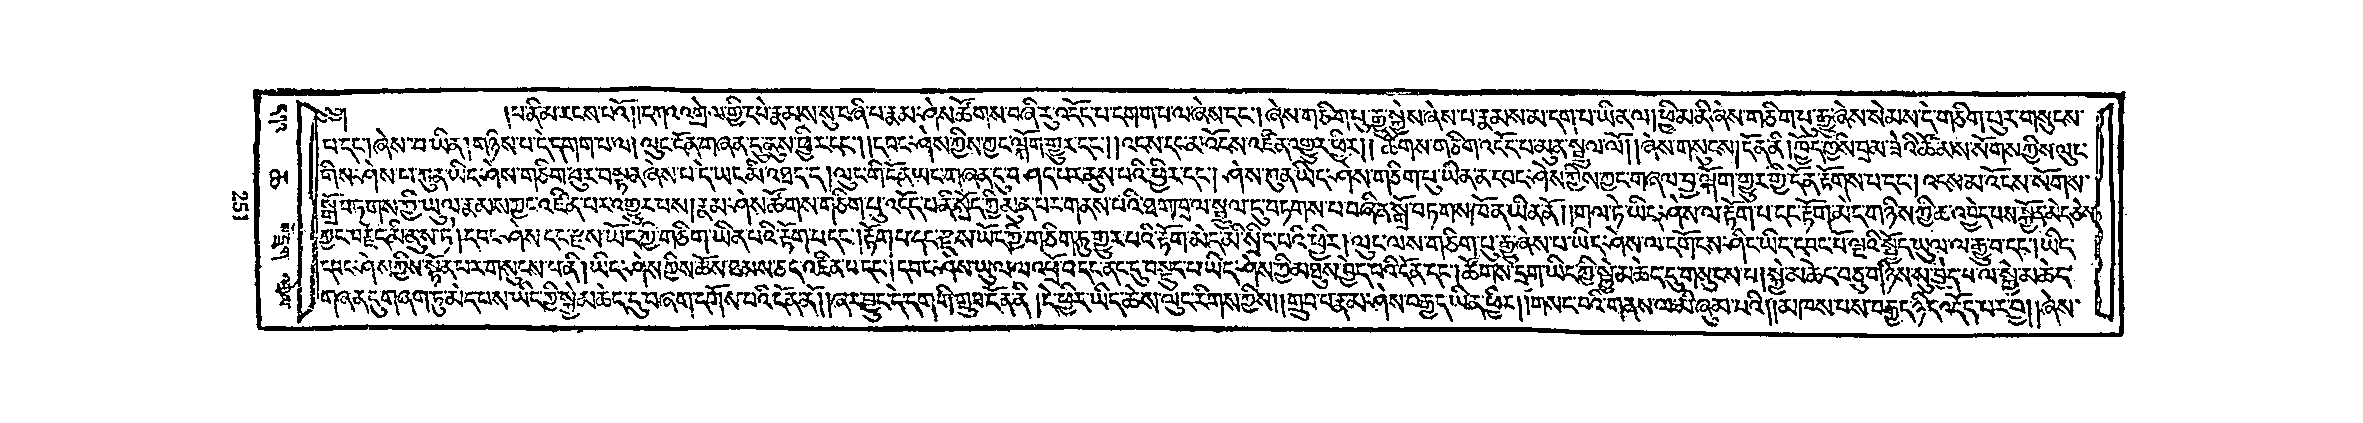༄༅། །པ་ནི་མ་རངས་པའོ། །དཀའ་འགྲེལ་གྱི་དཔེ་རྣམས་སུ་བཞི་པ་རྣམ་ཤེས་ཚོགས་བཞི་རུ་འདོད་པ་དགག་པ་ལ་ཞེས་དང་། ཞེས་གཅིག་པུ་རྒྱུ་སྐྱེས་ཞེས་པ་རྣམས་མ་དག་པ་ཡིན་ལ། ཕྱི་མ་ནི་ཞེས་གཅིག་པུ་རྒྱུ་ཞེས་སེམས་དེ་གཅིག་པུར་གསུངས་
པ་དང་། ཞེས་པ་ཡིན། གཉིས་པ་དེ་དགག་པ་ལ། ལུང་དོན་གཞན་དུ་ནུས་ཕྱིར་དང་། །དབང་ཤེས་ཀྱིས་ཀྱང་ལྐོག་གྱུར་དང་། །འདས་དང་མ་འོངས་འཛིན་འགྱུར་ཕྱིར། །ཚོགས་གཅིག་འདོད་པ་མུན་སྦྲུལ་ལོ། །ཞེས་གསུངས། དོན་ནི། ཁྱོད་ཀྱིས་བྲམ་ཟེའི་ཚོམས་སོགས་ཀྱིས་ལུང་
གིས་ཤེས་པ་ཀུན་ཡིད་ཤེས་གཅིག་པུར་བསྟན་ཞེས་པ་དེ་ཡང་མི་འཐད་ད། ལུང་གི་དོན་ཡང་གཞན་དུ་བཤད་པར་ནུས་པའི་ཕྱིར་དང་། ཤེས་ཀུན་ཡིད་ཤེས་གཅིག་པུ་ཡིན་ན་དབང་ཤེས་ཀྱིས་ཀྱང་གཞལ་བྱ་ལྐོག་གྱུར་གྱི་དོན་རྟོགས་པ་དང་། འདས་མ་འོངས་སོགས་
སྒྲོ་བཏགས་ཀྱི་ཡུལ་རྣམས་ཀྱང་འཛིན་པར་འགྱུར་པས། རྣམ་ཤེས་ཚོགས་གཅིག་པུ་འདོད་པ་ནི་སྲོད་ཀྱི་མུན་པར་གནས་པའི་ཐག་ཁྲ་ལ་སྦྲུལ་དུ་བཏགས་པ་བཞིན་སྒྲོ་བཏགས་ཁོ་ན་ཡིན་ནོ། །གལ་ཏེ་ཡིད་ཤེས་ལ་རྟོག་པ་དང་རྟོག་མེད་གཉིས་ཀྱི་ཆ་འབྱེད་པས་སྐྱོན་མེད་ཅེས་
ཀྱང་བརྗོད་མི་ནུས་ཏེ། དབང་ཤེས་དང་རྫས་ཡོད་ཀྱི་གཅིག་ཡིན་པའི་རྟོག་པ་དང་། རྟོག་པ་དང་རྫས་ཡོད་ཀྱི་གཅིག་ཏུ་གྱུར་པའི་རྟོག་མེད་མི་སྲིད་པའི་ཕྱིར། ལུང་ལས་གཅིག་པུ་རྒྱུ་ཞེས་པ་ཡིད་ཤེས་ལ་དགོངས་ཤིང་ཡིད་དབང་པོ་ལྔའི་སྤྱོད་ཡུལ་ལ་རྒྱུ་བ་དང་། ཡིད་
དབང་ཤེས་ཀྱིས་སྟོན་པར་གསུངས་པ་ནི། ཡིད་ཤེས་ཀྱིས་ཆོས་ཐམས་ཅད་འཛིན་པ་དང་། དབང་ཤེས་ཡུལ་ལ་འཕྲོ་བ་དང་ནང་དུ་བསྡུང་པ་ཡིད་ཤེས་ཀྱི་མཐུས་བྱེད་པའི་དོན་དང་། ཚོགས་དྲག་ཡིད་ཀྱི་སྐྱེ་མཆེད་དུ་གསུངས་པ། སྐྱེ་མཆེད་བཅུ་གཉིས་སུ་བྱེད་པ་ལ་སྐྱེ་མཆེད་
གཞན་དུ་གཞག་ཏུ་མེད་པས་ཡིད་ཀྱི་སྐྱེ་མཆེད་དུ་བཞག་དགོས་པའི་དོན་ནོ། །ཞར་བྱུང་དེ་དག་གི་གྲུབ་དོན་ནི། དེ་ཕྱིར་ཡིད་ཆེས་ལུང་རིགས་ཀྱིས། །གྲུབ་པ་རྣམ་ཤེས་བརྒྱད་ཡིན་ཕྱིར། །གསང་བའི་གནས་ལ་མི་ཞུམ་པའི། །མཁས་པས་བརྒྱད་ཉིད་འདོད་པར་བྱ། །ཞེས་